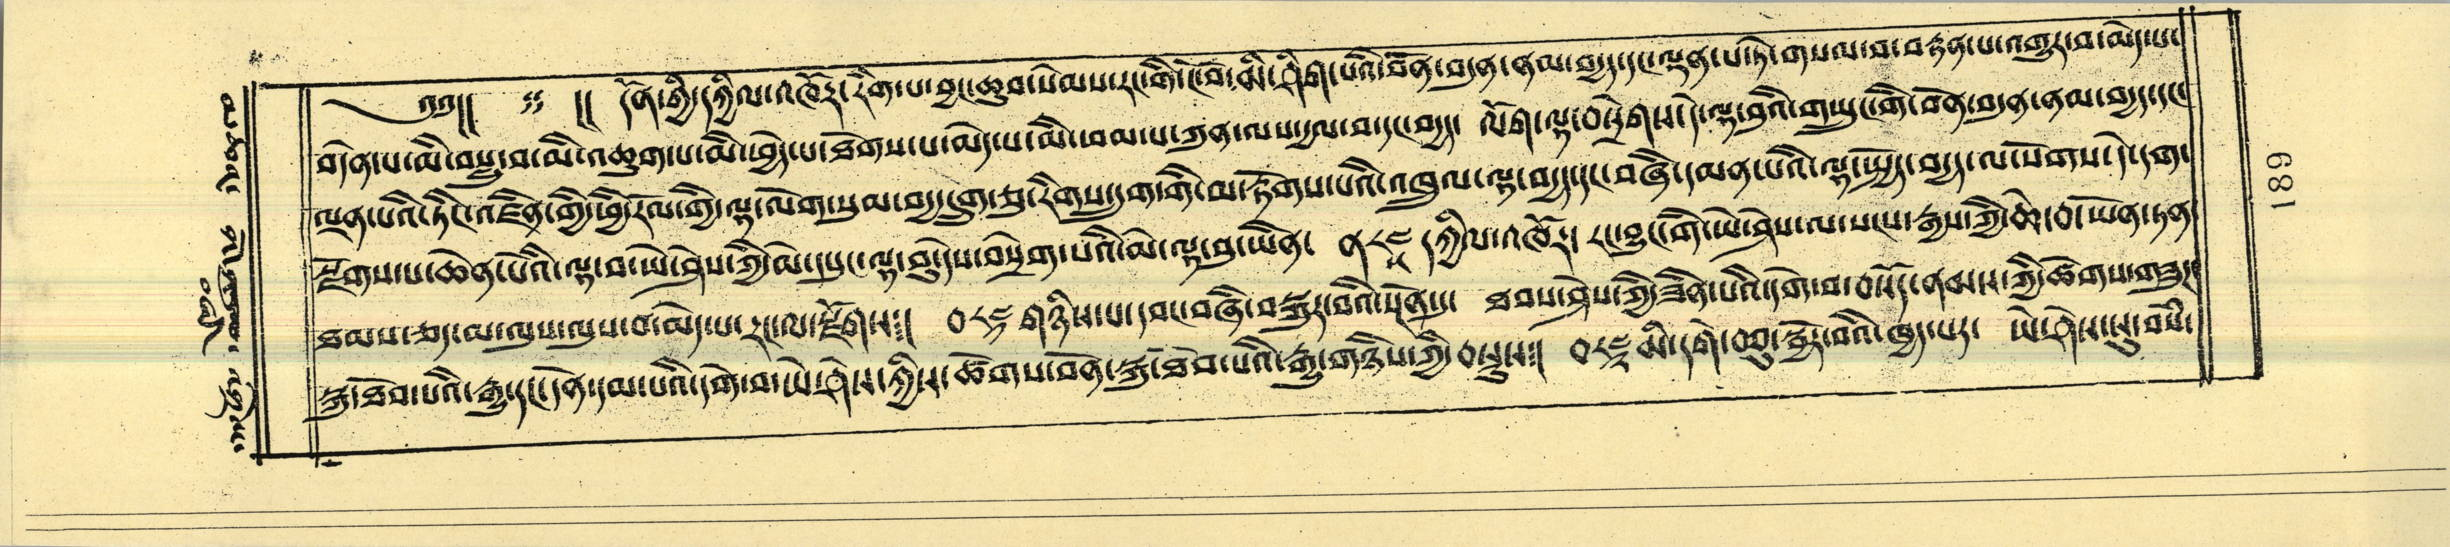༼དོན་གྱི་དཀྱིལ་འཁོར་༽རིག་པ་བྱང་ཆུབ་སེམས་རང་གི་ངོ་བོ་༼མི་ཤིག༽པའི་བོན་བདུན་ནམ་བརྒྱད་དང་ལྡན་པ་སྟེ་གསལ་བ་བརྟན་པ་འགྱུར་བ་མེད་པ་
བདེན་པ་མི་བསླུ་བ་མི་འཆུགས་པ་མི་ཕྱེད་པ་ཐོག་མ་མེད་པ་མི་ཕམ་པ་ཀུན་ལས་རྒྱལ་བ་དང་བརྒྱད།༼ལོག་ལྟ་བསྲེགས༽དེ་ལྟ་བུའི་གཡུང་དྲུང་གི་བོན་བདུན་ནམ་བརྒྱད་དང་
ལྡན་པའི་ཏིང་ངེ་འཛིན་གྱི་ཕྱི་རོལ་གྱི་ལྟ་ལོག་སུམ་བརྒྱ་དྲུག་ཅུ་རིགས་དྲུག་གི་མ་རྟོགས་པའི་འཁྲུལ་ལྟ་བརྒྱད་དང་བཞི་དམན་པའི་ལྟ་སྤྱོད་བརྒྱད་ལ་སོགས་དེ་དག་
རྫོགས་པ་ཆེན་པོའི་ལྟ་བ་ཡེ་ཤེས་མེ་དཔུང་ལྟ་བུ་དེས་བསྲེགས་པའི་མེ་ལྟ་བུ་ཡིན། ན༨༤།༥༼དཀྱིལ་འཁོར༽རང་བྱུང་གི་ཡེ་ཤེས་ལ་སངས་རྒྱས་ཀྱི་༼ཆེ་བ༽ཡོན་ཏན་
ཐམས་ཅད་མ་ལུས་པ་ལུས་པ་མེད་པ་༼རང་ལ་རྫོགས༽བ༨༤།༡༼གཉིས་པ༽དབང་བཞི་བསྐུར་བའི་སྔོན་དུ་ཐབས་ཤེས་ཀྱིས་ཟིན་པའི་དགེ་བ་༼བསོད་ནམས༽ཀྱི་ཚོགས་གཟུགས་
སྐུ་ཐོབ་པའི་རྒྱུ་དང་དོན་དམ་པའི་དགེ་བ་༼ཡེ་ཤེས་ཀྱི༽ཚོགས་བོན་སྐུ་ཐོབ་པའི་རྒྱུ་གཉིས་ཀྱིས་༼བསྡུས༽བ༨༤།༢༼མི་དགེ་བཅུ༽སྦྱོར་བའི་ཁྱད་པར་༼ཡེ་ཤེས་སུ༽བསམ་